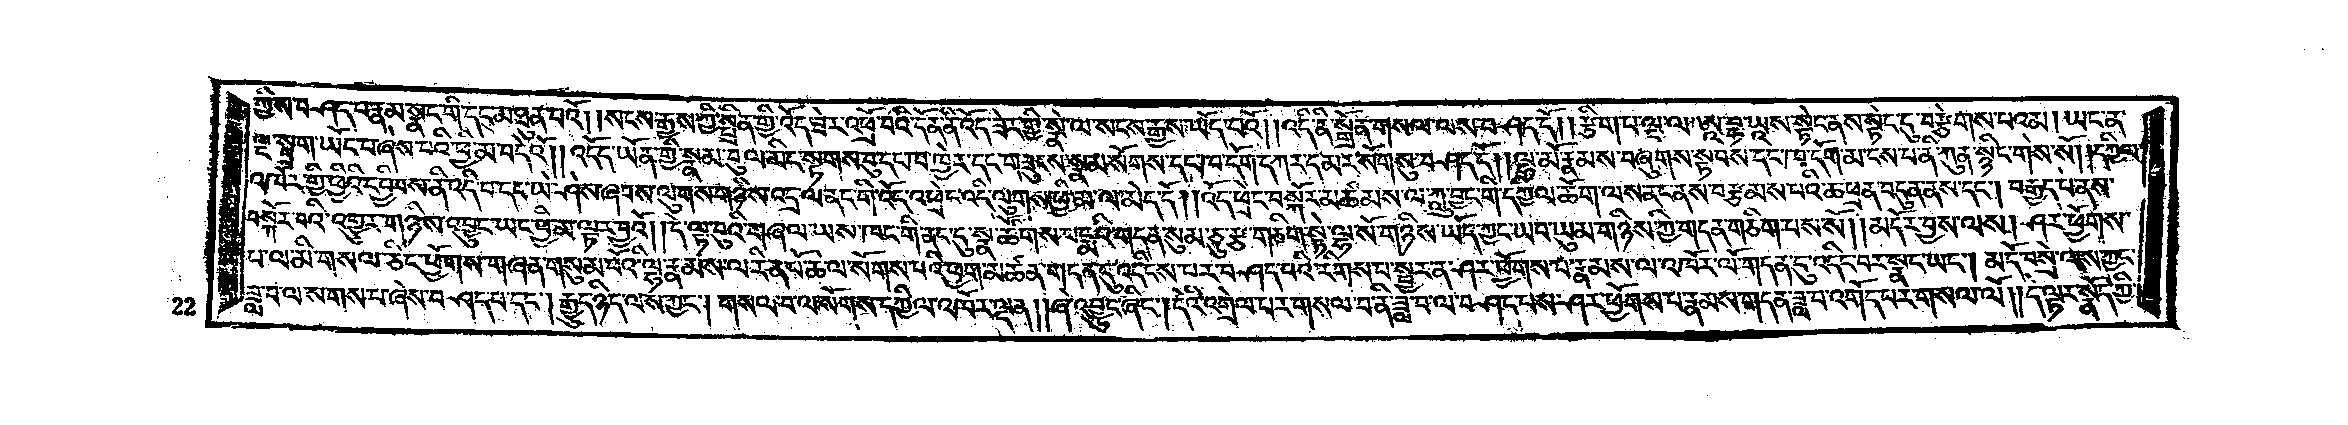གྱིས་བཤད་པ་རྣམ་སྣང་གི་དང་མཐུན་པའོ། །སངས་རྒྱས་ཀྱི་སྤྲིན་གྱི་འོད་ཟེར་འཕྲོ་བའི་དོན་ནི་འོད་ཟེར་གྱི་སྣེ་ལ་སངས་རྒྱས་ཡོད་པའོ། །འདི་ནི་སྒྲོན་གསལ་ལས་བཤད་དོ། །རྩིག་པ་ལྔ་ལ་ཨཱ་བྷ་ཡཱས་སྟོང་ནས་སྟོང་དུ་བརྩེགས་པའམ། ཡང་ན་
ལྔ་སྦྲག་ཡོད་པ་ཞེས་པའི་ཕྱི་མ་བདེའོ། །འདོད་ཡོན་གྱི་སྣམ་བུ་ལ་མིང་སྟབས་བུ་དང་ཁ་ཁྱེར་དང་གཟུངས་སྣམ་སོགས་དང་ཁ་དོག་དཀར་དམར་སོགས་སུ་བཤད་དོ། །ལྷ་མོ་རྣམས་བཞུགས་སྟབས་དང་ཁ་དོག་མ་ངེས་པ་ནི་ཀུན་སྙིང་གེས་སོ། །དཀྱིལ་
འཁོར་གྱི་ཕྱིའི་དབྱིབས་ནི་འདི་པ་དང་ཡེ་ཤེས་ཞབས་ལུགས་གཉིས་འདྲ་ལ་ནང་གི་འོད་འཕྲེང་འདི་ལུགས་ཕྱི་མ་ལ་མེད་དོ། །འོད་ཕྲེང་བསྐོར་མཚམས་ལ་ཀླུ་བྱང་གི་དཀྱིལ་ཆོག་ལས་ནང་ནས་བརྩམས་པའི་ཆ་ཕྲན་བདུན་ནས་དང་། བརྒྱད་པ་ནས་
བསྐོར་བའི་འགྱུར་གཉིས་འབྱུང་ཡང་ཕྱི་མ་ལྟར་བྱའོ། །དེ་ལྟ་བུའི་གཞལ་ཡས་ཁང་གི་ནང་དུ་སྣ་ཚོགས་པདམའི་གདན་སུམ་ཅུ་རྩ་གཅིག་སྟེ་ལྷ་སོ་གཉིས་ཡོད་ཀྱང་ཡབ་ཡུམ་གཉིས་ཀྱི་གདན་གཅིག་པས་སོ། །མདོར་བྱས་ལས། ཤར་ཕྱོགས་
པ་ལ་མི་གསལ་ཅིང་ཕྱོགས་གཞན་གསུམ་པོའི་ལྷ་རྣམས་ལ་རིན་པོ་ཆེ་ལ་སོགས་པའི་ཕྱག་མཚན་གདན་དུ་འདིངས་པར་བཤད་པའི་རིགས་པ་སྦྱར་ན་ཤར་ཕྱོགས་པ་རྣམས་ལ་འཁོར་ལོ་གདན་དུ་འདིང་བར་སྣང་ཡང་། མདོ་བསྲེ་ལས་ཀྱང་
ཟླ་བ་ལ་སགས་པ་ཞེས་བཤད་པ་དང་། རྒྱུད་ཉིད་ལས་ཀྱང་། གསལ་བ་ལ་སོགས་དཀྱིལ་འཁོར་ལྡན། །ཞེས་འབྱུང་ཞིང་། དེའི་འགྲེལ་པར་གསལ་བ་ནི་ཟླ་བ་ལ་བཤད་པས་ཤར་ཕྱོགས་པ་རྣམས་གདན་ཟླ་བ་འགོད་པར་གསལ་ལོ། །དེ་ལྟར་སྣོད་ཀྱི་